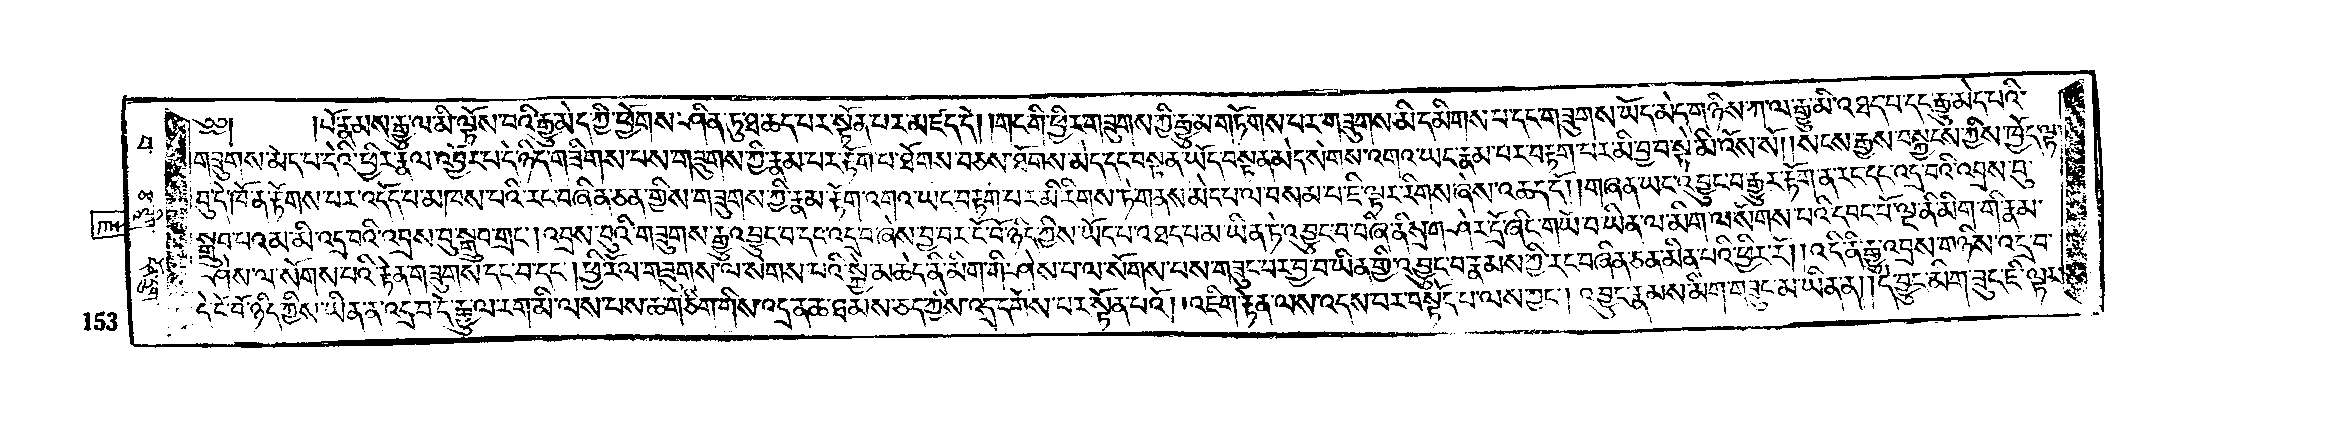༄༅། །པོ་རྣམས་རྒྱུ་ལ་མི་ལྟོས་པའི་རྒྱུ་མེད་ཀྱི་ཕྱོགས་ཤིན་ཏུ་ཐ་ཆད་པར་སྟོན་པར་མཛད་དོ། །གང་གི་ཕྱིར་གཟུགས་ཀྱི་རྒྱུ་མ་གཏོགས་པར་གཟུགས་མི་དམིགས་པ་དང་གཟུགས་ཡོད་མེད་གཉིས་ཀ་ལ་རྒྱུ་མི་འཐད་པ་དང་རྒྱུ་མེད་པའི་
གཟུགས་མད་པ་དེའི་ཕྱིར་རྣལ་འབྱོར་པ་དེ་ཉིད་གཟིགས་པས་གཟུགས་ཀྱི་རྣམ་པར་རྟོག་པ་ཐོགས་བཅས་ཐོགས་མེད་དང་བསྟན་ཡོད་བསྟན་མེད་སོགས་འགའ་ཡང་རྣམ་པར་བརྟག་པར་མི་བྱ་བ་སྟེ་མི་འོས་སོ། །སངས་རྒྱས་བསྐྱངས་ཀྱིས་ཁྱོད་ལྟ་
བུ་དེ་ཁོ་ན་རྟོགས་པར་འདོད་པ་མཁས་པའི་རང་བཞིན་ཅན་གྱིས་གཟུགས་ཀྱི་རྣམ་རྟོག་འགའ་ཡང་བརྟག་པར་མི་རིགས་ཏེ་གནས་མེད་པ་ལ་བསམ་པ་ཇི་ལྟར་རིགས་ཞེས་འཆད་དོ། །གཞན་ཡང་འབྱུང་བ་རྒྱུར་རྟོག་ན་རང་དང་འདྲ་བའི་འབྲས་བུ་
སྒྲུབ་པའམ་མི་འདྲ་བའི་འབྲས་བུ་སྒྲུབ་གྲང་། འབྲས་བུའི་གཟུགས་རྒྱུ་འབྱུང་བ་དང་འདྲ་བ་ཞེས་བྱ་བར་ངོ་བོ་ཉིད་ཀྱིས་ཡོད་པ་འཐད་པ་མ་ཡིན་ཏེ་འབྱུང་བ་བཞི་ནི་སྲ་གཤེར་དྲོ་ཞིང་གཡོ་བ་ཡིན་ལ་མིག་ལ་སོགས་པའི་དབང་པོ་ལྔ་ནི་མིག་གི་རྣམ་
ཤེས་ལ་སོགས་པའི་རྟེན་གཟུགས་དང་བ་དང་། ཕྱི་རོལ་གཟུགས་ལ་སོགས་པའི་སྐྱེ་མཆེད་ནི་མིག་གི་ཤེས་པ་ལ་སོགས་པས་གཟུང་བར་བྱ་བ་ཡིན་གྱི་འབྱུང་བ་རྣམས་ཀྱི་རང་བཞིན་ཅན་མིན་པའི་ཕྱིར་རོ། །འདི་ནི་རྒྱུ་འབྲས་གཉིས་འདྲ་བ་
དེ་ངོ་བོ་ཉིད་ཀྱིས་ཡིན་ན་འདྲ་བ་དེ་རྒྱུ་ལ་རག་མི་ལས་པས་ཆ་གཅིག་གིས་འདྲ་ན་ཆ་ཐམས་ཅད་ཀྱིས་འདྲ་དགོས་པར་སྟོན་པའོ། །འཇིག་རྟེན་ལས་འདས་པར་བསྟོད་པ་ལས་ཀྱང་། འབྱུང་རྣམས་མིག་གཟུང་མ་ཡིན་ན། །དེ་བྱུང་མིག་ཟུང་ཇི་ལྟར་